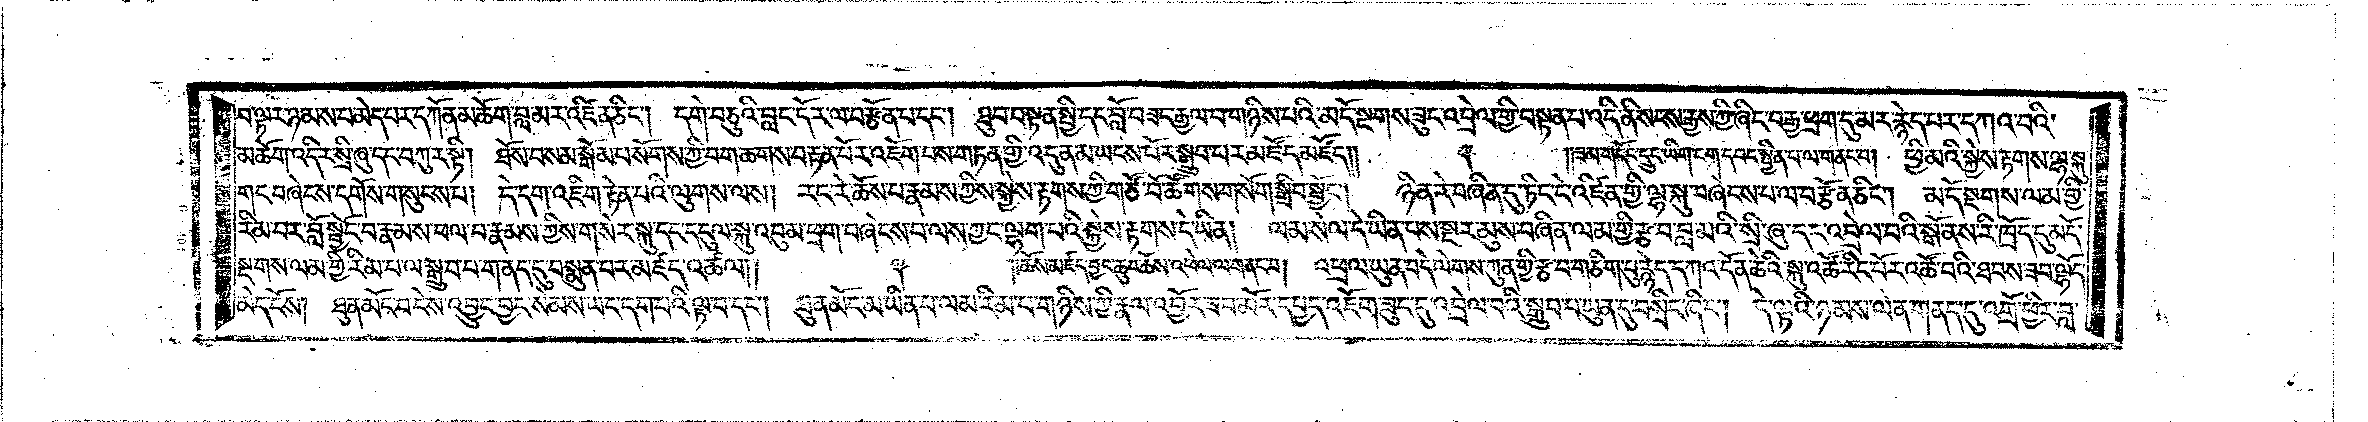བ་ལྟར་ཉམས་བ་མེད་པར་དཀོན་མཆོག་བླ་མར་འཛིན་ཅིང་། དགེ་བཅུའི་བླང་དོར་ལ་བརྩོན་པ་དང་། ཐུབ་བསྟན་སྤྱི་དང་བློ་བཟང་རྒྱལ་པ་གཉིས་པའི་མདོ་སྔགས་ཟུང་འབྲེལ་གྱི་བསྟན་པ་འདི་ནི་སངས་རྒྱས་ཀྱི་ཞིང་བརྒྱ་ཕྲག་དུ་མར་རྙེད་པར་དཀའ་བའི་
མཆོག་འདིར་སྲི་ཞུ་དང་བཀུར་སྟི། ཐོས་བསམ་སྒོམ་པ་སོགས་ཀྱི་བག་ཆགས་བརྟན་པོར་འཇོག་པས་གཏན་གྱི་འདུན་མ་ཡངས་པོར་སྒྲུབ་པར་མཛོད་མཛོད།། ༈ །།ཟམ་གདོང་དྲུང་ཡིག་ངག་དབང་སྦྱིན་པ་ལ་གནང་བ།  ཕྱི་མའི་སྐྱེས་རྟགས་ལྷ་སྐུ་
གང་བཞེངས་དགོས་གསུངས་པ། དེ་དག་འཇིག་རྟེན་པའི་ལུགས་ལས། རང་རེ་ཆོས་པ་རྣམས་ཀྱིས་སྐྱེས་རྟགས་ཀྱི་གཙོ་བོ་ཚོགས་གསོག་སྒྲིབ་སྦྱོང་། ཉིན་རེ་བཞིན་དུ་ཏིང་ངེ་འཛིན་གྱི་ལྷ་སྐུ་བཞེངས་པ་ལ་བརྩོན་ཅིང་། མདོ་སྔགས་ལམ་གྱི་
རིམ་པར་བློ་སྦྱོང་བ་རྣམས་ཕལ་པ་རྣམས་ཀྱིས་གསེར་སྐུ་དང་དངུལ་སྐུ་འབུམ་ཕྲག་བཞེངས་པ་ལས་ཀྱང་ལྷག་པའི་སྐྱེས་རྟགས་དེ་ཡིན། ལམ་སེལ་དེ་ཡིན་པས་སྔར་མུས་བཞིན་ལམ་གྱི་རྩ་བ་བླ་མའི་སྲི་ཞུ་དང་འབྲེལ་བའི་སྒོ་ནས་རི་ཁྲོད་དུ་མདོ་
སྔགས་ལམ་གྱི་རིམ་པ་ལ་སྒྲུབ་པ་གནད་དུ་བསྨུན་པར་མཛད་འཚལ།། ༈ །།ཆོས་མཛད་བྱང་ཆུབ་ཆོས་འཕེལ་ལ་གནང་བ།  འཕྲལ་ཡུན་བདེ་ལེགས་ཀུན་གྱི་རྩ་བ་གཅིག་པུ་རྙེད་དཀའ་དོན་ཆེའི་སྐུ་འཚོ་རིང་པོར་འཚོ་བའི་ཐབས་ཟབ་ལྷོད་
མེད་ངོས༑ ཐུན་མོང་བ་ངེས་འབྱུང་བྱང་སེམས་ཡང་དག་པའི་ལྟ་བ་དང་། ཐུན་མོང་མ་ཡིན་པ་ལམ་རིམ་པ་གཉིས་ཀྱི་རྣལ་འབྱོར་ཟབ་མོར་དཔྱད་འཇོག་ཟུང་དུ་འབྲེལ་བའི་སྒྲུབ་པ་ཡུན་དུ་བསྲིང་ཞིང་། དེ་ལྟའི་ཉམས་ལེན་གནད་དུ་འགྲོ་ཕྱིར་བླ་